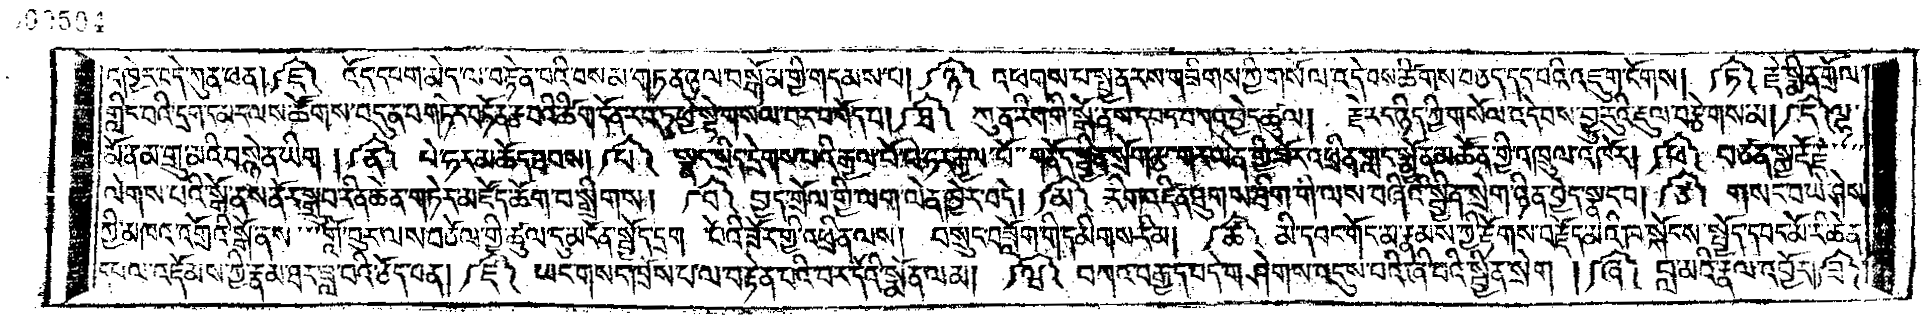འཁྱེར་བདེ་ཀུན་ཕན། ༼ཇ༽ འོད་དཔག་མེད་ལ་བརྟེན་པའི་བསམ་གཏན་ཉལ་བསྒོམ་གྱི་གདམས་པ། ༼ཉ༽ འཕགས་པ་སྤྱན་རས་གཟིགས་ཀྱི་གསོལ་འདེབས་ཚིགས་བཅད་དད་པའི་འཇུག་ངོགས། ༼ཏ༽ རྗེ་སྨན་གྲོལ་
གླིང་བའི་དྲག་དམར་ལས་ཚོགས་བདུན་པ་གཏེར་བཏོན་རྩ་བའི་ཚིག་དོན་རབ་ཏུ་ཕྱེ་སྟེ་གསལ་བར་བཀོད་པ། ༼ཐ༽ ཀུན་རིག་གི་སྒོ་ནས་དབང་བཀའ་བྱེད་ཚུལ། རྗེ་རང་ཉིད་ཀྱི་གསོལ་འདེབས་བྱུ་རུའི་རྡུལ་བརྩེགས་མ། ༼ད༽ ལྷ་
མོ་ནམ་གྲུ་མའི་བསྙེན་ཡིག །༼ན༽ པེ་ཧར་མཆོད་ཐབས། ༼པ༽ སྣང་སྲིད་དྲེགས་པའི་རྒྱལ་པོ་པེ་ཧར་རྒྱལ་པོ་གནོད་སྦྱིན་སྲོག་རྩ་གར་ལེན་གྱི་ཟོར་འཕྲིན་གླང་སྨྱོན་མཚོན་གྱི་འཁྲུལ་འཁོར། ༼ཕ༽ བཙན་སྐྱ་རྡོ་རྗེ་
ལེགས་པའི་སྒོ་ནས་ནོར་སྒྲུབ་རིན་ཆེན་གཏེར་མཛོད་ཆོག་བསྒྲིགས། ༼བ༽ བྱད་གྲོལ་གྱི་ལག་ལེན་ཁྱེར་བདེ། ༼མ༽ རིག་འཛིན་ཐུགས་ཐིག་གི་ལས་བཞིའི་སྦྱིན་སྲེག་ཉིན་བྱེད་སྣང་བ། ༼ཙ༽ གསང་བ་ཡེ་ཤེས་
ཀྱི་མཁའ་འགྲོའི་སྒོ་ནས་གློ་བུར་ལས་བཅོལ་གྱི་ཚུལ་དུ་མངོན་སྤྱོད་དྲག་པོའི་ཟོར་གྱི་འཕྲིན་ལས། བསྲུང་བཟློག་གི་དམིགས་རིམ། ༼ཚ༽ མི་དབང་གོང་མ་རྣམས་ཀྱི་རྟོགས་བརྗོད་མའི་ཁ་སྐོངས་སྤྱོད་དབང་མོ་རི་ཆེན་
དཔལ་འཇོམས་ཀྱི་རྣམ་ཐར་ཟླ་བའི་ཅོད་པན། ༼ཛ༽ ཡང་གསང་ཁྲོས་པ་ལ་བརྟེན་པའི་བར་དོའི་སྨོན་ལམ། ༼ཝ༽ བཀའ་བརྒྱད་བདེ་གཤེགས་འདུས་པའི་ཞི་བའི་སྦྱིན་སྲེག། ༼ཞ༽ བླ་མའི་རྣལ་འབྱོར། ༼ཟ༽